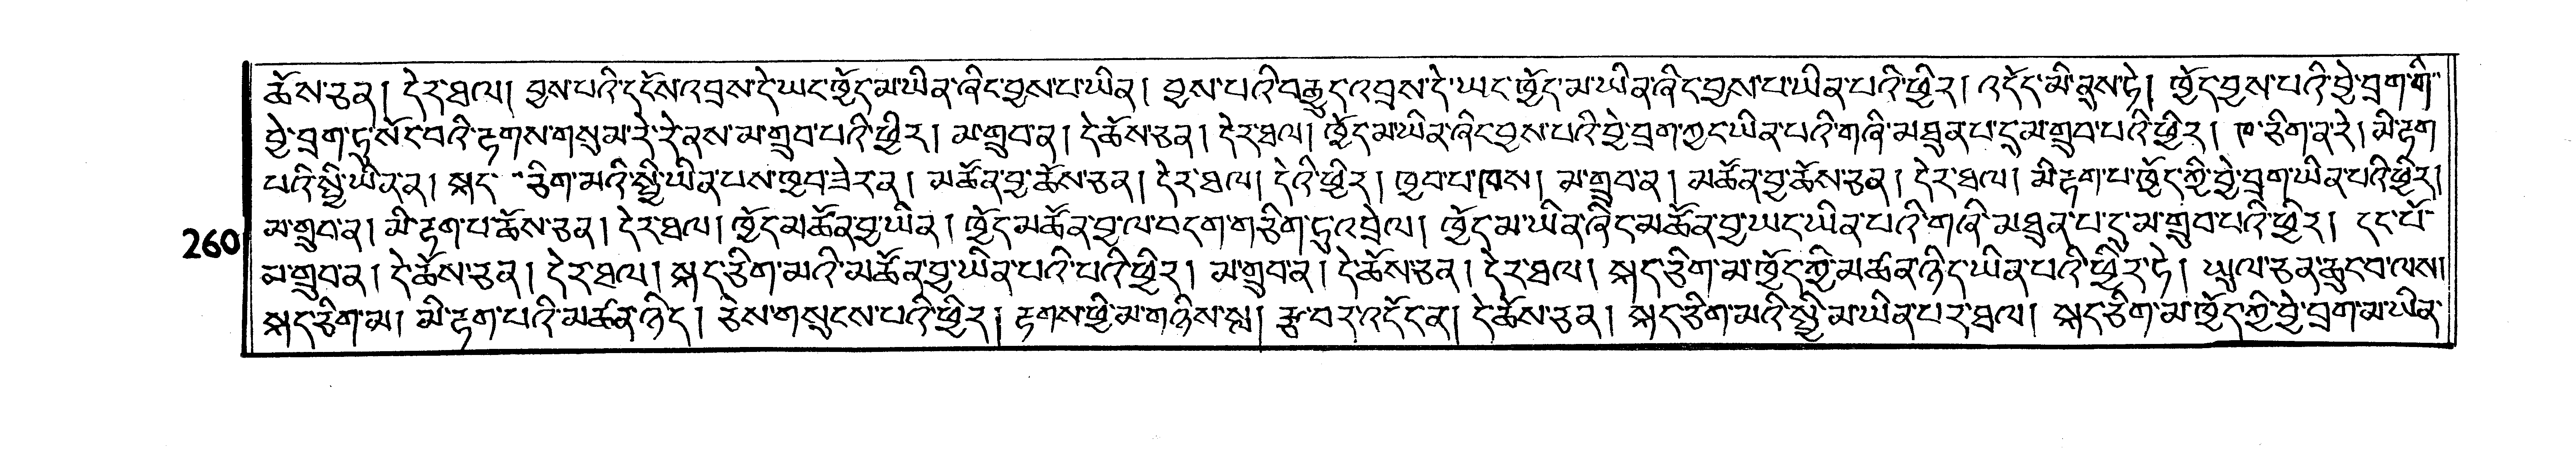ཆོས་ཅན། དེར་ཐལ། བྱས་པའི་དངོས་འབྲས་དེ་ཡང་ཁྱོད་མ་ཡིན་ཞིང་བྱས་པ་ཡིན། བྱས་པའི་བརྒྱུད་འབྲས་དེ་ཡང་ཁྱོད་མ་ཡིན་ཞིང་བྱས་པ་ཡིན་པའི་ཕྱིར། འདོད་མི་ནུས་ཏེ། ཁྱོད་བྱས་པའི་བྱེ་བྲག་གི་
བྱེ་བྲག་ཏུ་སོང་བའི་རྟགས་གསུམ་རེ་རེ་ནས་མ་གྲུབ་པའི་ཕྱིར། མ་གྲུབ་ན། དེ་ཆོས་ཅན། དེར་ཐལ། ཁྱོད་མ་ཡིན་ཞིང་བྱས་པའི་བྱེ་བྲག་ཀྱང་ཡིན་པའི་གཞི་མཐུན་པ་དུ་མ་གྲུབ་པའི་ཕྱིར། ཁ་ཅིག་ན་རེ། མི་རྟག་
པའི་སྤྱི་ཡིན་ན། སྐད་ཅིག་མའི་སྤྱི་ཡིན་པས་ཁྱབ་ཟེར་ན། མཚོན་བྱ་ཆོས་ཅན། དེར་ཐལ། དེའི་ཕྱིར། ཁྱབ་པ་ཁས། མ་གྲུབ་ན། མཚོན་བྱ་ཆོས་ཅན། དེར་ཐལ། མི་རྟག་པ་ཁྱོད་ཀྱི་བྱེ་བྲག་ཡིན་པའི་ཕྱིར།
མ་གྲུབ་ན། མི་རྟག་པ་ཆོས་ཅན། དེར་ཐལ། ཁྱོད་མཚོན་བྱ་ཡིན། ཁྱོད་མཚོན་བྱ་ལ་བདག་གཅིག་ཏུ་འབྲེལ། ཁྱོད་མ་ཡིན་ཞིང་མཚོན་བྱ་ཡང་ཡིན་པའི་གཞི་མཐུན་པ་དུ་མ་གྲུབ་པའི་ཕྱིར། དང་པོ་
མ་གྲུབ་ན། དེ་ཆོས་ཅན། དེར་ཐལ། སྐད་ཅིག་མའི་མཚོན་བྱ་ཡིན་པའི་པའི་ཕྱིར། མ་གྲུབ་ན། དེ་ཆོས་ཅན། དེར་ཐལ། སྐད་ཅིག་མ་ཁྱོད་ཀྱི་མཚན་ཉིད་ཡིན་པའི་ཕྱིར་ཏེ། ཡུལ་ཅན་ཆུང་བ་ལས།
སྐད་ཅིག་མ། མི་རྟག་པའི་མཚན་ཉིད། ཅེས་གསུངས་པའི་ཕྱིར། རྟགས་ཕྱི་མ་གཉིས་སླ། རྩ་བར་འདོད་ན། དེ་ཆོས་ཅན། སྐད་ཅིག་མའི་སྤྱི་མ་ཡིན་པར་ཐལ། སྐད་ཅིག་མ་ཁྱོད་ཀྱི་བྱེ་བྲག་མ་ཡིན་